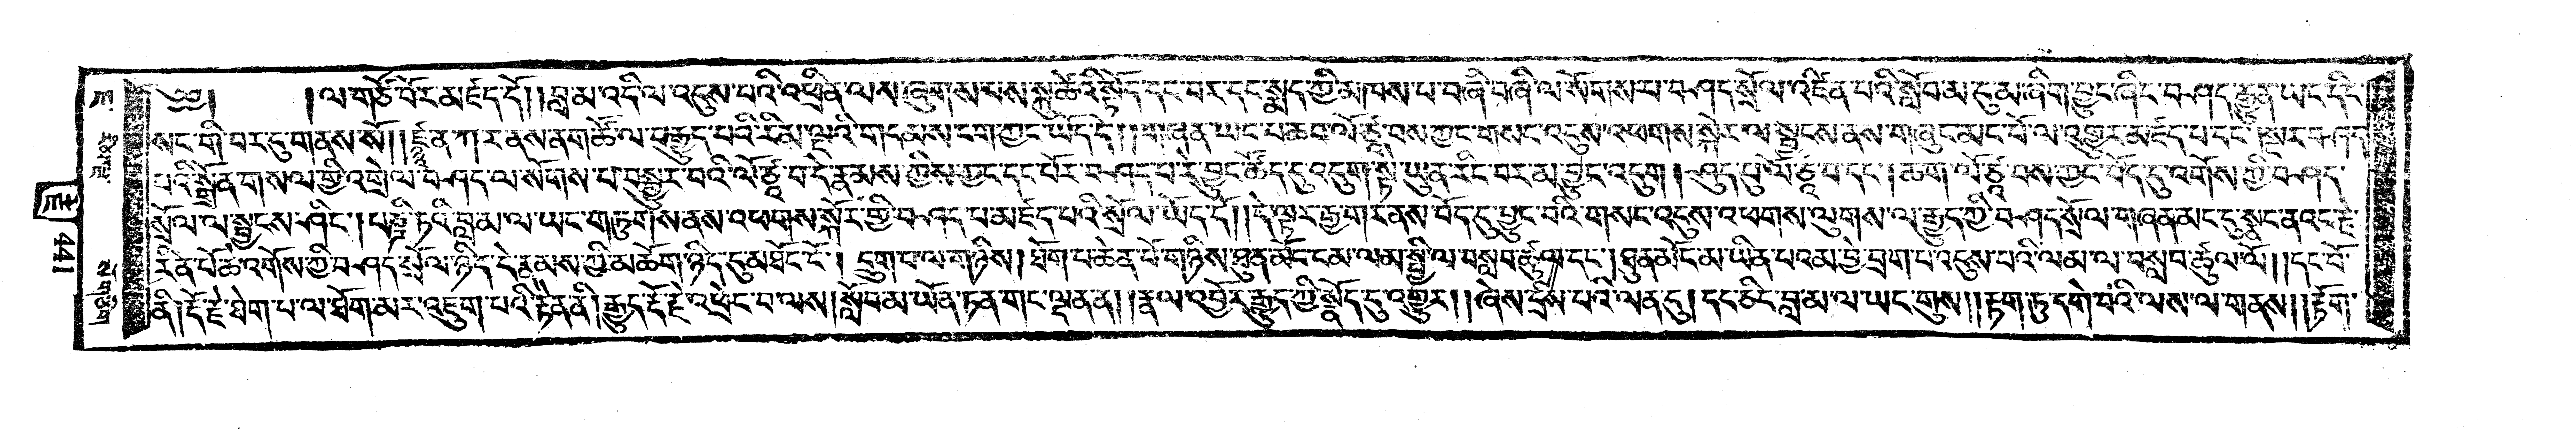༄༅། །ལ་གཙོ་བོར་མཛད་དོ། །བླ་མ་འདི་ལ་འདུས་པའི་འཕྲིན་ལས་ཞུགས་པས་སྐུ་ཚེའི་སྟོད་དང་བར་དང་སྨད་ཀྱི་མཁས་པ་བཞི་བཞི་ལ་སོགས་པ་བཤད་སྲོལ་འཛིན་པའི་སློབ་མ་དུ་མ་ཞིག་བྱུང་ཞིང་བཤད་རྒྱུན་ཡང་དིང་
སང་གི་བར་དུ་གནས་སོ། །ཛྙཱ་ན་ཀ་ར་ནས་ནག་ཚོལ་བརྒྱུད་པའི་རིམ་ལྔའི་གདམས་ངག་ཀྱང་ཡོད་དོ། །གཞན་ཡང་པ་ཆབ་ལོ་ཙཱ་བས་ཀྱང་གསང་འདུས་འཕགས་སྐོར་ལ་སྦྱངས་ནས་གཞུང་མང་པོ་ལ་འགྱུར་མཛད་པ་དང་། སྔར་བཤད་
པའི་སྒྲོན་གསལ་གྱི་འགྲེལ་བཤད་ལ་སོགས་པ་བསྒྱུར་བའི་ལོ་ཙཱ་བ་དེ་རྣམས་ཀྱིས་ཀྱང་དང་པོར་བཤད་པ་རེ་བྱུང་ཚོད་དུ་འདུག་སྟེ་ཡུན་རིང་བར་མ་བྱུང་འདུག །ཤུད་པུ་ལོ་ཙཱ་བ་དང་། ཆག་ལོ་ཙཱ་བས་ཀྱང་བོད་དུ་འགོས་ཀྱི་བཤད་
སྲོལ་ལ་སྦྱངས་ཤིང་། པཎྜི་ཏའི་བླ་མ་ལ་ཡང་གཏུགས་ནས་འཕགས་སྐོར་གྱི་བཤད་པ་མཛད་པའི་སྲོལ་ཡོད་དོ། །དེ་ལྟར་རྒྱ་གར་ནས་བོད་དུ་བྱུང་བའི་གསང་འདུས་འཕགས་ལུགས་ལ་རྒྱུད་ཀྱི་བཤད་སྲོལ་གཞན་མང་དུ་སྣང་ནའང་རྗེ་
རིན་པོ་ཆེ་འགོས་ཀྱི་བཤད་སྲོལ་ཉིད་དེ་རྣམས་ཀྱི་མཆོག་ཉིད་དུ་མཐོང་ངོ། དྲུག་པ་ལ་གཉིས། ཐེག་པ་ཆེན་པོ་གཉིས་ཐུན་མོང་ངམ་ལམ་སྤྱི་ལ་བསླབ་ཚུལ་དང་། ཐུན་མོང་མ་ཡིན་པའམ་བྱེ་བྲག་པ་འདུས་པའི་ལམ་ལ་བསླབ་ཚུལ་ལོ། །དང་པོ་
ནི། རྡོ་རྗེ་ཐེག་པ་ལ་ཐོག་མར་འཇུག་པའི་རྟེན་ནི། རྒྱུད་རྡོ་རྗེ་འཕྲེང་བ་ལས། སློབ་མ་ཡོན་ཏན་གང་ལྡན་ན། །རྣལ་འབྱོར་རྗེ་འཕྲེང་བ་ལས། སློབ་མ་ཡོན་ཏན་གང་ལྡན་ན། །རྣལ་འབྱོར་མ་ལ་ཡང་གུས། །རྟག་ཏུ་དགེ་བའི་ལས་ལ་གནས། །རྟོག་